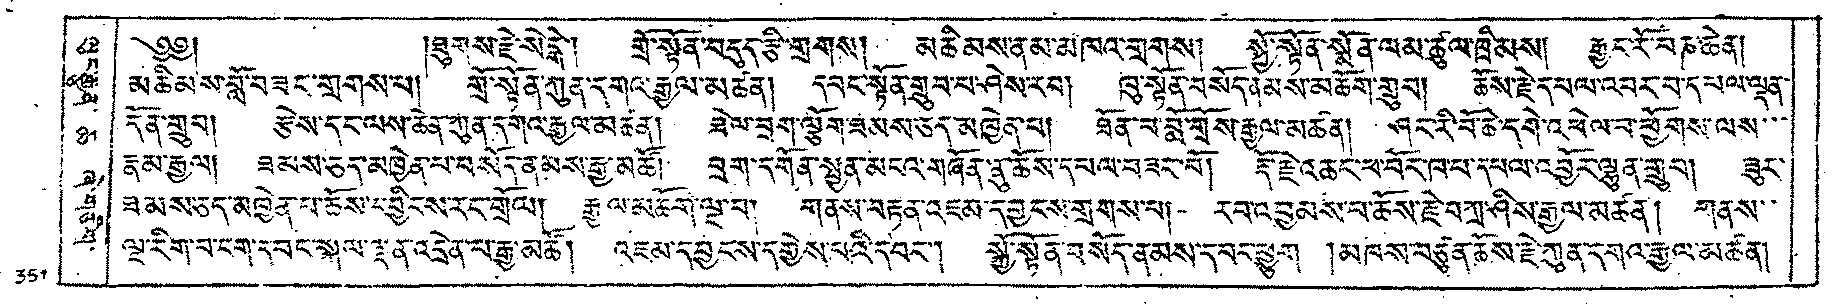༄༅། །ཐུགས་རྗེ་སེངྒེ། གྲོ་སྟོན་བདུད་རྩི་གྲགས། མཆིམས་ནམ་མཁའ་གྲགས། སྐྱོ་སྟོན་སྨོན་ལམ་ཚུལ་ཁྲིམས། རྒྱང་རོ་པཎ་ཆེན།
མཆིམས་བློ་བཟང་གྲགས་པ། གྲོ་སྟོན་ཀུན་དགའ་རྒྱལ་མཚན། དབང་སྟོན་གྲུབ་པ་ཤེས་རབ། ཁུ་སྟོན་བསོད་ནམས་མཆོག་གྲུབ། ཆོས་རྗེ་དཔལ་འབར་བ་དཔལ་ལྡན་
དོན་གྲུབ། རྩེས་དང་ལས་ཆེན་ཀུན་དགའ་རྒྱལ་མཚན། ཐེལ་བྲག་ལྕོག་ཐམས་ཅད་མཁྱེན་པ། ཐོན་པ་བློ་གྲོས་རྒྱལ་མཚན། ཤང་རི་བོ་ཆེ་དགེ་འཕེལ་བ་ཕྱོགས་ལས་
རྣམ་རྒྱལ། ཐམས་ཅད་མཁྱེན་པ་བསོད་ནམས་རྒྱ་མཚོ། བྲག་དགོན་སྤྱན་མངའ་གཞོན་ནུ་ཆོས་དཔལ་བཟང་པོ། རྡོ་རྗེ་འཆང་ཕ་བོང་ཁ་པ་དཔལ་འབྱོར་ལྷུན་གྲུབ། ཟུར་
ཐམས་ཅད་མཁྱེན་པ་ཆོས་དབྱིངས་རང་གྲོལ། རྒྱལ་མཆོག་ལྔ་པ། གནས་བརྟན་འཇམ་དབྱངས་གྲགས་པ། རབ་འབྱམས་པ་ཆོས་རྗེ་བཀྲ་ཤིས་རྒྱལ་མཚན། གནས་
ལྔ་རིག་པ་ངག་དབང་སྐལ་ལྡན་འདྲེན་པ་རྒྱ་མཚོ། འཇམ་དབྱངས་དགྱེས་པའི་དབང་། སྐྱོ་སྟོན་བསོད་ནམས་དབང་ཕྱུག །མཁས་བཙུན་ཆོས་རྗེ་ཀུན་དགའ་རྒྱལ་མཚན།